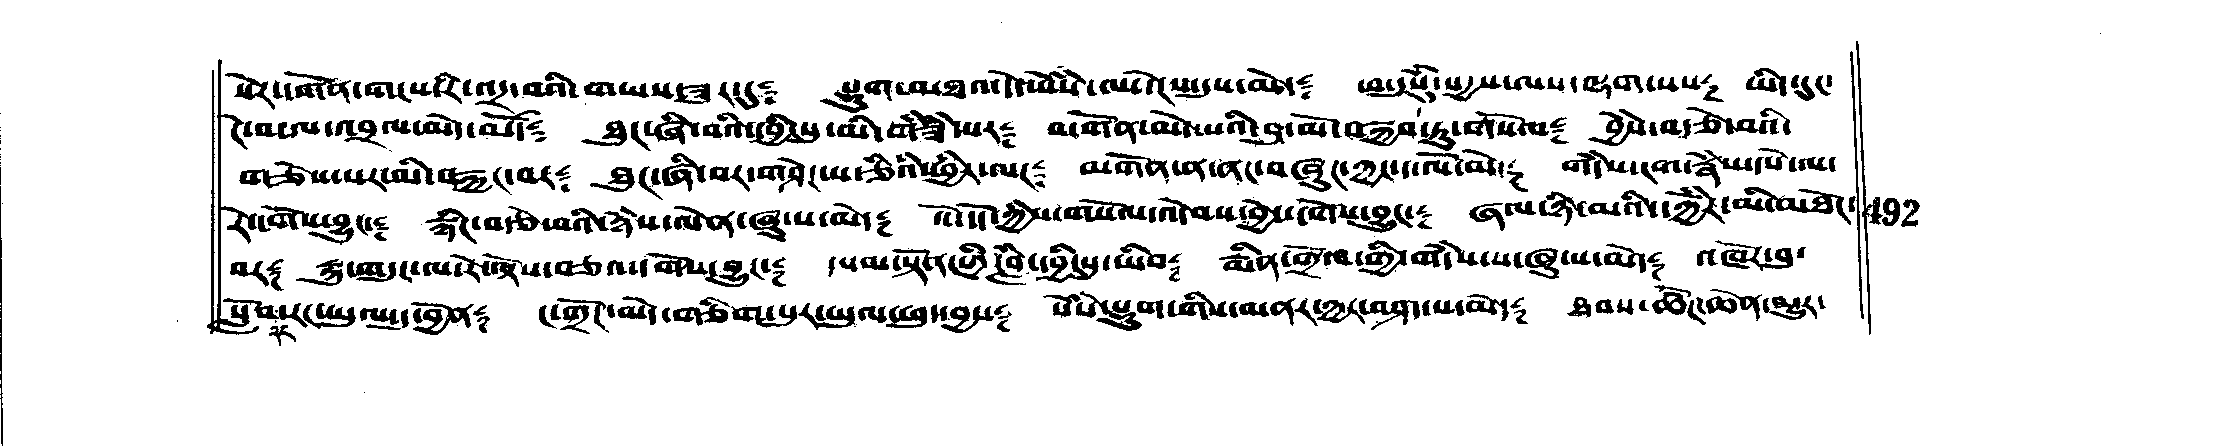།སེར་དགོན་གངས་རི་འདྲ་བའི་གཡས་ཟུར་དུ། །སྡུག་མཐའ་དེ་སེམས་ལ་དེངས་དུས་མེད། །ཕ་དུས་གསུམ་སངས་རྒྱས་ལས་ལྷག་པས། །ཡིད་དུང་
ངེ་བ་ལ་འབྲལ་མེད་མཛོད། །ཐུགས་ཞི་བའི་དབྱིངས་སུ་མི་གཟིམ་པར། །མགོན་མེད་པའི་བུ་མོ་བསྐྱབ་ཏུ་གསོལ། །བྱམས་བརྩེ་བའི་
གཅེས་པར་མི་བསྐྱང་བར། །ཐུགས་ཞི་བར་གཤེགས་པ་ཅིའི་ཕྱིར་ལགས། །མགོན་ན་ནང་བཞུགས་ཀྱང་ད་ལོ་མེད། །གདམས་ངག་རྣམས་དཔེ་ལ་
རེ་དགོས་བྱུང་། །སྙིང་བརྩེ་བའི་ཉམས་ལེན་ཞུ་ས་མེད། །འོ་དོད་ཀྱིས་གསོལ་འདེབས་བྱེད་དགོས་བྱུང་། །ཞལ་ཉི་མའི་དཀྱིལ་འཁོར་མི་མཐོང་
བར། །སྐུ་གདུང་ལ་རེ་ལྟོས་བཅའ་དགོས་བྱུང་། །དཔལ་སྟོན་གྱི་བླ་མ་དབྱིངས་སུ་ཡིབ། །སྨིན་གྲོལ་གྱི་གདམ་པ་ཞུ་ས་མེད། །འཁོར་བུ་
སློབ་རང་རང་ཡུལ་དུ་བྱོན། །ང་གྲོགས་མེད་གཅིག་པུར་ཡུལ་ཕུད་བྱས། །སེམས་སྡུག་གིས་མནར་ཀྱང་བཤད་ས་མེད། །ཐབས་ཚོགས་ཆེན་མྱུར་